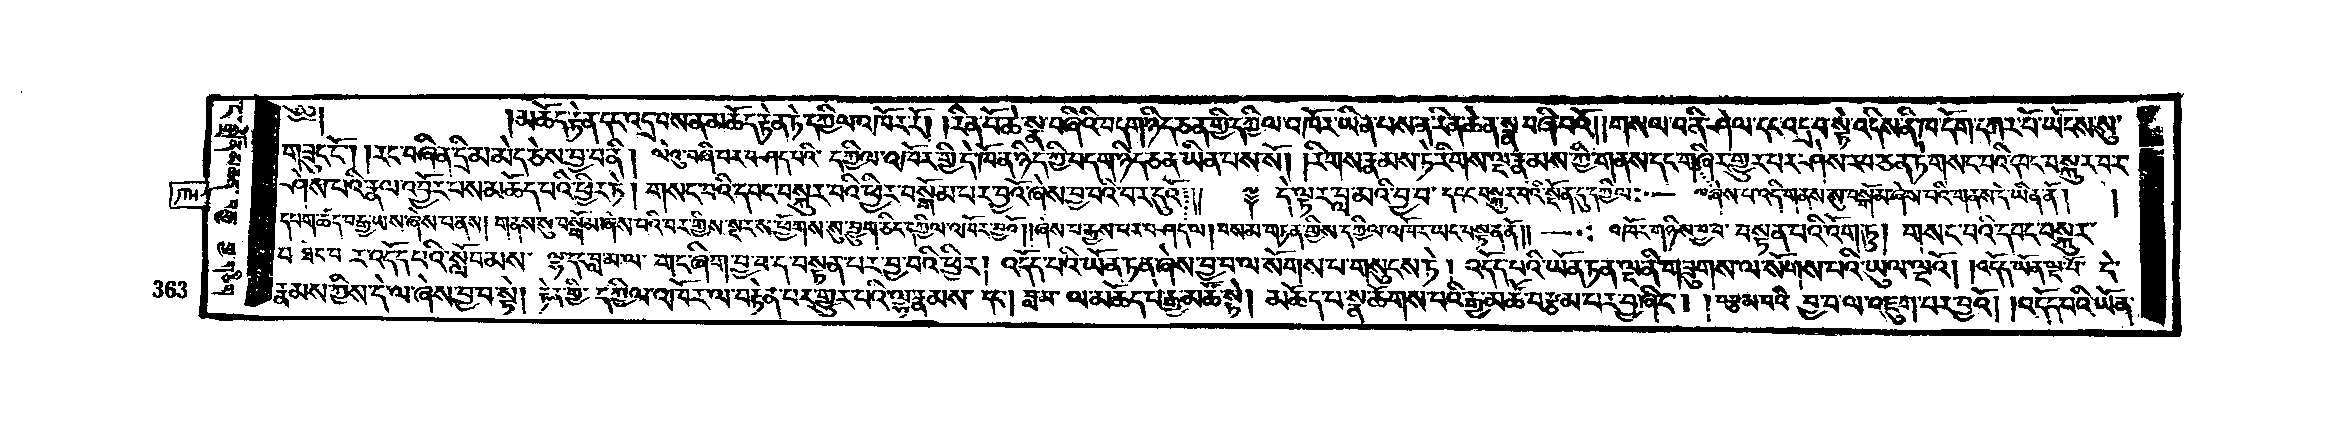༄༅། །མཆོད་རྟེན་དང་འདྲ་བས་ན་མཆོད་རྟེན་ཏེ་དཀྱིལ་འཁོར་རོ། །རིན་པོ་ཆེ་སྣ་བཞིའི་བདག་ཉིད་ཅན་གྱི་དཀྱིལ་འཁོར་ཡིན་པས་ན་རིན་ཆེན་སྣ་བཞི་པའོ། །གསལ་བ་ནི་ཤེལ་དང་འདྲ་བ་སྟེ་འདིས་ནི་ཁ་དོག་དཀར་པོ་ཡོངས་སུ་
གཟུང་ངོ། །རང་བཞིན་དྲི་མ་མེད་ཅེས་བྱ་བ་ནི། ལེའུ་བཞི་པར་བཤད་པའི་དཀྱིལ་འཁོར་གྱི་དེ་ཁོ་ན་ཉིད་ཀྱི་བདག་ཉིད་ཅན་ཡིན་པས་སོ། །རིགས་རྣམས་ཏེ་རིགས་ལྔ་རྣམས་ཀྱི་གནས་དང་གཞིར་གྱུར་པར་ཤེས་རབ་ཅན་ཏེ་གསང་བའི་དབང་བསྐུར་བར་
ཤེས་པའི་རྣལ་འབྱོར་པས་མཆོད་པའི་ཕྱིར་ཏེ། གསང་བའི་དབང་བསྐུར་བའི་ཕྱིར་བསྒོམ་པར་བྱའོ་ཞེས་བྱ་བའི་བར་དུའོ།། ༈ དེ་ལྟར་བླ་མའི་བྱ་བ་དབང་བསྐུར་བའི་སྔོན་དུ་དཀྱིལཿ་༧ཞེས་པ་འདི་གནས་སུ་བསྒོམ་ཞེས་པའི་གནས་དེ་ཡིན་ནོ། །
དཔག་ཚད་བརྒྱ་ཡིས་ཞེས་པ་ནས། གནས་སུ་བསྒོམ་ཞེས་པའི་བར་གྱིས་སྔར་ས་ཕྱོགས་སུ་བྱུག་ཅིང་དཀྱིལ་འཁོར་བྱའོ། །ཞེས་པ་རྒྱས་པར་བཤད་ལ། བསམ་གཏན་གྱིས་དཀྱིལ་འཁོར་ཡང་བསྟན་ནོ།། .H འཁོར་གཉིས་བྱ་བ་བསྟན་པའི་འོག་ཏུ། གསང་བའི་དབང་བསྐུར་
བ་ཐོང་པར་འདོད་པའི་སློབ་མས་ལྷ་དང་བླ་མ་ལ་གང་ཞིག་བྱ་བ་དེ་བསྟན་པར་བྱ་བའི་ཕྱིར། འདོད་པའི་ཡོན་ཏན་ཞེས་བྱ་བ་ལ་སོགས་པ་གསུངས་ཏེ། འདོད་པའི་ཡོན་ཏན་ལྔ་ནི་གཟུགས་ལ་སོགས་པའི་ཡུལ་ལྔའོ། ། འདོད་ཡོན་ལྔ་པོ་དེ་
རྣམས་ཀྱིས་དེ་ལ་ཞེས་བྱ་བ་སྟེ། རྟེན་གྱི་དཀྱིལ་འཁོར་ལ་བརྟེན་པར་གྱུར་པའི་ལྷ་རྣམས་དང་། བླ་མ་ལ་མཆོད་པ་རྒྱ་མཚོ་སྟེ། མཆོད་པ་སྣ་ཚོགས་པའི་རྒྱ་མཚོ་བརྩམ་པར་བྱ་ཞིང་། ། བརྩམ་པའི་བྱ་བ་ལ་འཇུག་པར་བྱའོ། །འདོད་པའི་ཡོན་